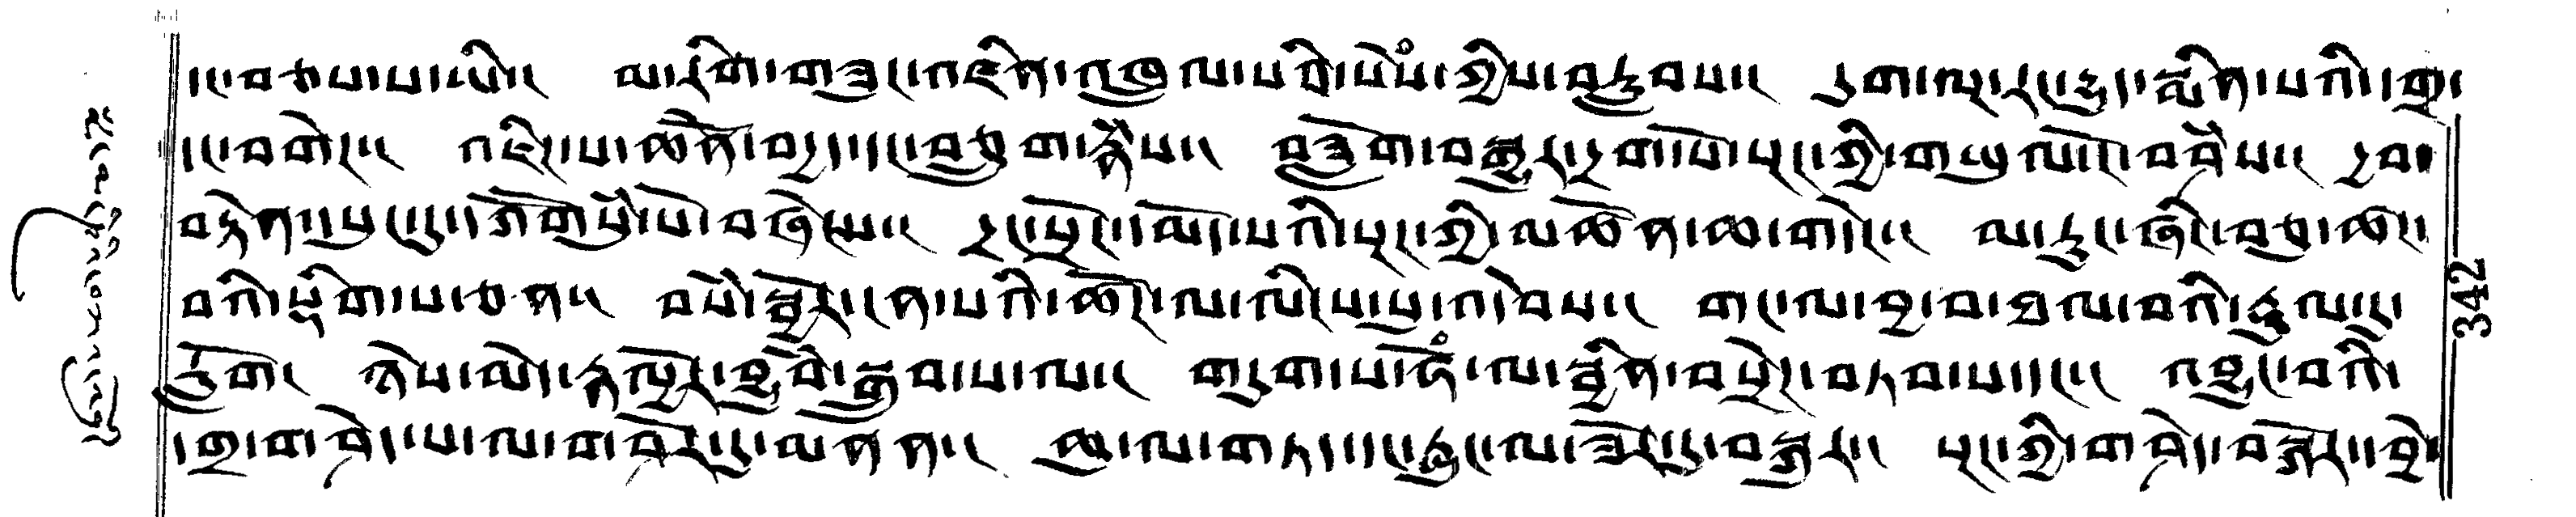དང་བཅས་པ་ཡི། །མ་རིག་གཟུང་འཛིན་འཁྲུལ་པའི་སེམས་ཀྱིས་རླབས། །དུག་ལྔ་རང་རྒྱུད་སྨིན་པའི་དགྲ་
དང་བགེགས། །འཇིགས་པ་ཆེན་པོ་བརྒྱད་དང་བཅུ་དྲུག་རྣམས། །ཟློག་སྒྱུར་དྲག་པོ་སྔགས་ཀྱི་གཡུལ་ངོ་གཤམས། །རྒྱབ་
བརྟེན་དཔུང་དུ་དཀོན་མཆོག་གསུམ་པོ་བཞེངས། །དྲང་སྲོང་དམོད་པའི་སྔགས་ཀྱི་མཚོན་ཆ་གདེང་། །མ་རུང་ཞིང་བཅུ་ཚང་
བའི་སྡིག་པ་ཅན། །བསམ་སྦྱོར་ངན་པའི་ཚོགས་ལ་ལིངས་སུ་འདེབས། གང་ལ་བྱ་བ་ཐལ་བའི་རྡུལ་དུ་
རློག ། ཉེས་མེད་རྣལ་འབྱོར་བྱང་ཆུབ་སྒྲུབ་པ་ལ། །གདུག་པ་ཧོམ་ལ་སྦྱིན་བསྲེགས་བཏབ་པ་དང་། །འབྱུང་བའི་
དགྲ་གཤེད་ས་ལ་གཤོར་དུ་མནན། ཆུ་ལ་གཏད་དང་རླུང་ལ་ཟོར་དུ་བསྐུར། །སྔགས་ཀྱི་གཤེད་བསྐོར་དབྱེ་